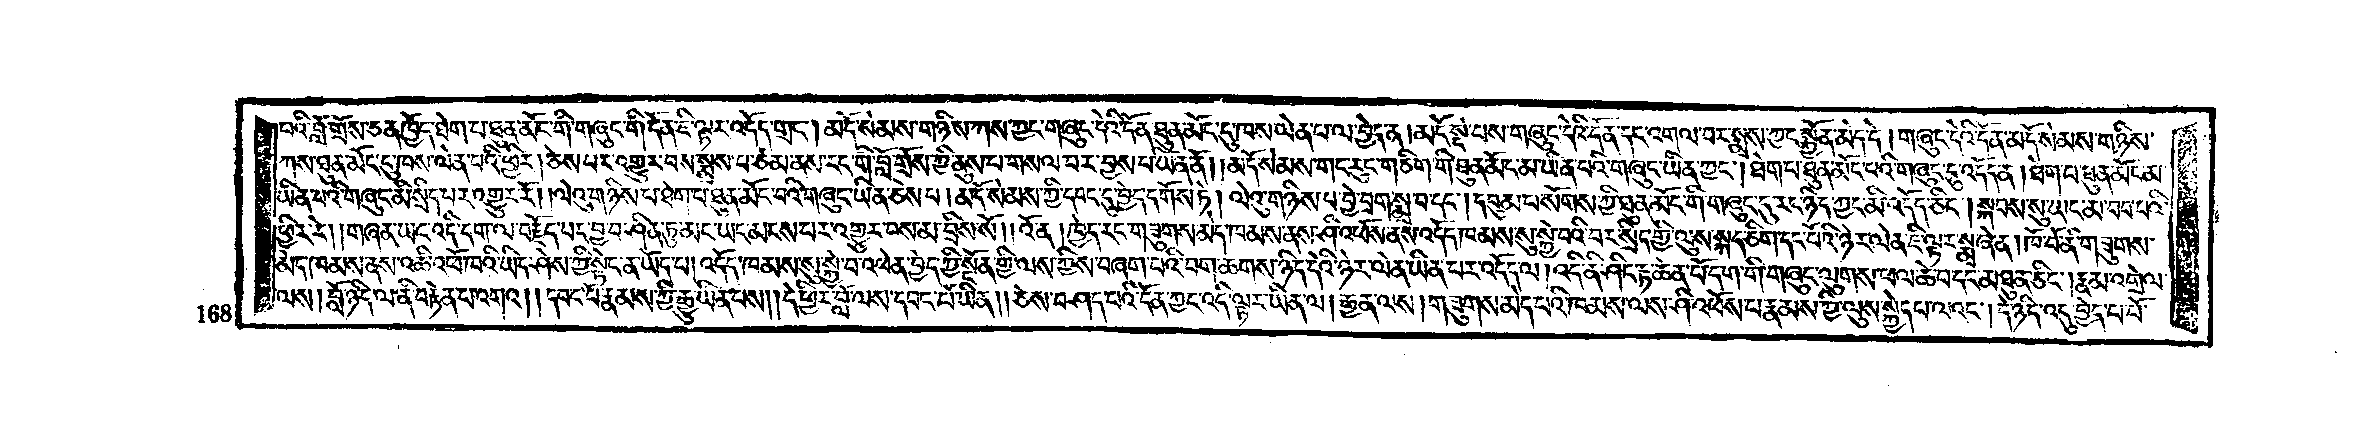པའི་བློ་གྲོས་ཅན་ཁྱོད་ཐེག་པ་ཐུན་མོང་གི་གཞུང་གི་དོན་ཇི་ལྟར་འདོད་གྲང་། མདོ་སེམས་གཉིས་ཀས་ཀྱང་གཞུང་དེའི་དོན་ཐུན་མོང་དུ་ཁས་ལེན་པ་ལ་བྱེད་ན། མདོ་སྡེ་པས་གཞུང་དེའི་དོན་དང་འགལ་བར་སྨྲས་ཀྱང་སྐྱོན་མེད་དེ། གཞུང་དེའི་དོན་མདོ་སེམས་གཉིས་
ཀས་ཐུན་མོང་དུ་ཁས་ལེན་པའི་ཕྱིར། ཅེས་པར་འགྱུར་བས་སྨྲས་པ་ཙམ་ནས་རང་གི་བློ་གྲོས་ཀྱི་ནུས་པ་གསལ་བར་བྱས་པ་ཡིན་ནོ། །མདོ་སེམས་གང་རུང་གཅིག་གི་ཐུན་མོང་མ་ཡིན་པའི་གཞུང་ཡིན་ཀྱང་། ཐེག་པ་ཐུན་མོང་པའི་གཞུང་དུ་འདོད་ན། ཐེག་པ་ཐུན་མོང་མ་
ཡིན་པའི་གཞུང་མི་སྲིད་པར་འགྱུར་རོ། །ལེའུ་གཉིས་པ་ཐེག་པ་ཐུན་མོང་བའི་གཞུང་ཡིན་ཅེས་པ། མདོ་སེམས་ཀྱི་དབང་དུ་བྱེད་དགོས་ཏེ། ལེའུ་གཉིས་པ་བྱེ་བྲག་སྨྲ་བ་དང་། དབུ་མ་པ་སོགས་ཀྱི་ཐུན་མོང་གི་གཞུང་དུ་རང་ཉིད་ཀྱང་མི་འདོད་ཅིང་། སྐབས་སུ་ཡང་མ་བབ་པའི་
ཕྱིར་རོ། །གཞན་ཡང་འདི་དག་ལ་བརྗོད་པར་བྱ་བ་ཤིན་ཏུ་མང་ཡང་མངས་པར་འགྱུར་བས་མ་བྲིས་སོ། །འོ་ན། ཁྱེད་རང་གཟུགས་མེད་ཁམས་ནས་ཤི་འཕོས་ནས་འདོད་ཁམས་སུ་སྐྱེ་བའི་བར་སྲིད་ཀྱི་ལུས་སྐད་ཅིག་དང་པོའི་ཉེར་ལེན་ཇི་ལྟར་སྨྲ་ཞེ་ན། ཁོ་བོ་ནི་གཟུགས་
མེད་ཁམས་ནས་འཆི་འཕོ་ཁའི་ཡིད་ཤེས་ཀྱི་སྟེང་ན་ཡོད་པ། འདོད་ཁམས་སུ་སྐྱེ་བ་འཕེན་བྱེད་ཀྱི་སྔོན་གྱི་ལས་ཀྱིས་བཞག་པའི་བག་ཆགས་ཉིད་དེའི་ཉེར་ལེན་ཡིན་པར་འདོད་ལ། འདི་ནི་ཤིང་རྟ་ཆེན་པོ་དག་གི་གཞུང་ལུགས་ཕལ་ཆེ་བ་དང་མཐུན་ཅིང་། རྣམ་འགྲེལ་
ལས། བློ་ཉིད་ལ་ནི་བརྟེན་པ་འགའ། །དབང་པོ་རྣམས་ཀྱི་རྒྱུ་ཡིན་པས། །དེ་ཕྱིར་བློ་ལས་དབང་པོ་ཡིན། །ཅེས་བཤད་པའི་དོན་ཀྱང་འདི་ལྟར་ཡིན་ལ། རྒྱན་ལས། གཟུགས་མེད་པའི་ཁམས་ལས་ཤི་འཕོས་པ་རྣམས་ཀྱི་ལུས་སྐྱེད་པ་ལའང་། དེ་ཉིད་འདུ་བྱེད་པ་པོ་